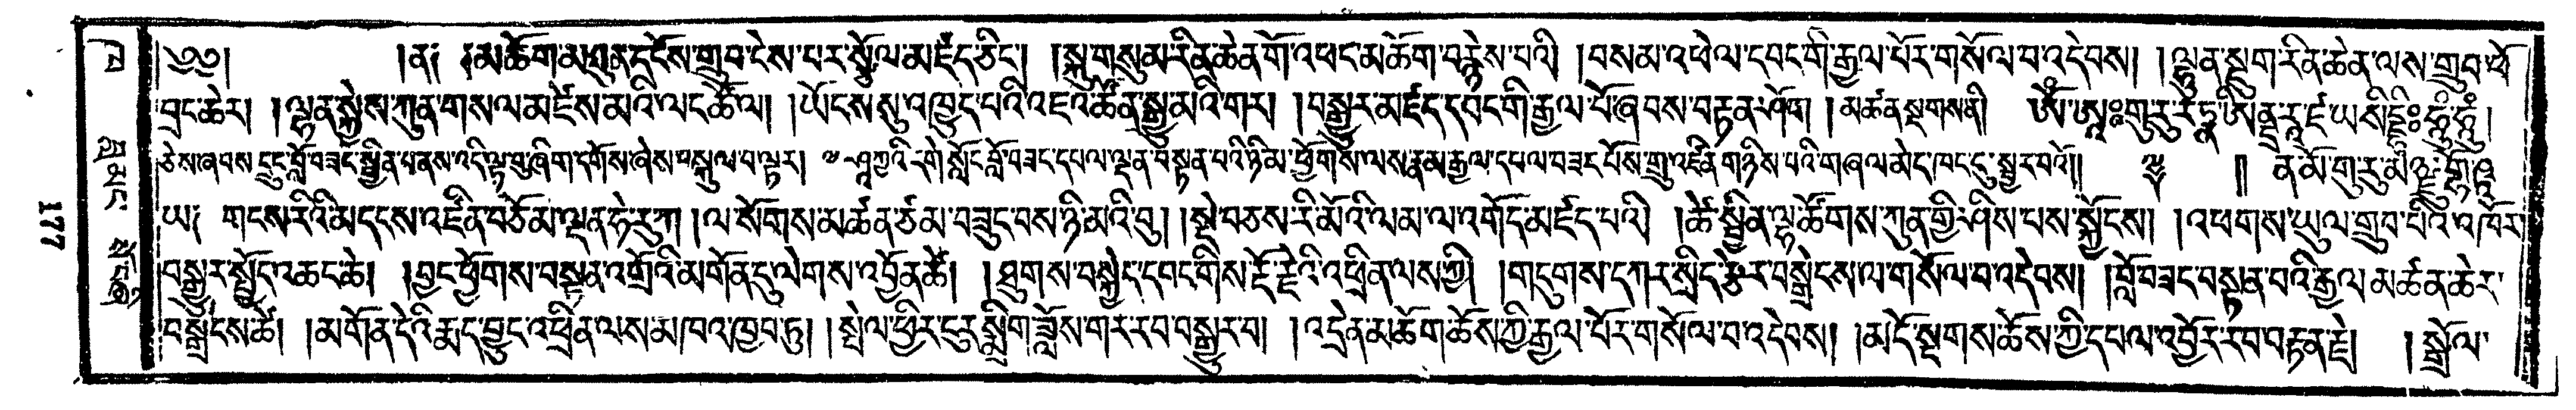༄༅། །ན༑ ༑མཆོག་མཐུན་དངོས་གྲུབ་ངེས་པར་སྩོལ་མཛད་ཅིང་། །སྐུ་གསུམ་རིན་ཆེན་གོ་འཕང་མཆོག་བརྙེས་པའི། །བསམ་འཕེལ་དབང་གི་རྒྱལ་པོར་གསོལ་བ་འདེབས། །ལྷུན་སྡུག་རིན་ཆེན་ལས་གྲུབ་ཕོ་
བྲང་ཆེར། །ལྷན་སྐྱེས་ཀུན་གསལ་མཛེས་མའི་ལང་ཚོ་ལ། །ཡོངས་སུ་འཁྱུད་པའི་འཇའ་ཚོན་སྒྱུ་མའི་གར། །བསྒྱུར་མཛད་དབང་གི་རྒྱལ་པོ་ཞབས་བརྟན་ཤོག །མཚན་སྔགས་ནི། ཨོཾ་ཨཱཿ གུ་རུ་རཏྣ་ཨིནྡྲ་རཱ་ཛ་ཡ་སིདྡྷིཿ ཧཱུཾ་ཧཱུཾ།
ཅེས་ཞབས་དྲུང་བློ་བཟང་སྦྱིན་པ་ནས་འདི་ལྟ་བུ་ཞིག་དགོས་ཞེས་བསྐུལ་བ་ལྟར། ༧་ཤཱཀྱའི་དགེ་སློང་བློ་བཟང་དཔལ་ལྡན་བསྟན་པའི་ཉི་མ་ཕྱོགས་ལས་རྣམ་རྒྱལ་དཔལ་བཟང་པོས་གྲུ་འཛིན་གཉིས་པའི་གཞལ་མེད་ཁང་དུ་སྦྱར་བའོ།། ༈ །།ན་མོ་གུ་རུ་མཉྫུ་གྷོ་ཥཱུ་
ཡ༑ གངས་རིའི་མདངས་འཛིན་བཅོམ་ལྡན་ཧེ་རུ་ཀ །ལ་སོགས་མཚན་ཙམ་བཟུང་བས་ཉི་མའི་བུ། །སྡེ་བཅས་རི་མོའི་ལམ་ལ་འགོད་མཛད་པའི། །ཚེ་སྦྱིན་ལྷ་ཚོགས་ཀུན་གྱི་ཤིས་པས་སྐྱོངས། །འཕགས་ཡུལ་གྲུབ་པའི་འཁོར་
བསྒྱུར་སྤྱོད་འཆང་ཆེ། །བྱང་ཕྱོགས་བསྟན་འགྲོའི་མགོན་དུ་ལེགས་འབྱོན་ཚེ། །ཐུགས་བསྐྱེད་དབང་གིས་རྡོ་རྗེའི་འཕྲིན་ལས་ཀྱི། །གདུགས་དཀར་སྲིད་རྩེར་བསྒྲེངས་ལ་གསོལ་བ་འདེབས། །བློ་བཟང་བསྟན་བའི་རྒྱལ་མཚན་ཆེར་
བསྒྲེངས་ཚེ། །མགོན་དེའི་རྨད་བྱུང་འཕྲིན་ལས་མཁའ་ཁྱབ་ཏུ། །སྤེལ་ཕྱིར་ངུར་སྨྲིག་ཟློས་གར་རབ་བསྒྱུར་བ། །འདྲེན་མཆོག་ཆོས་ཀྱི་རྒྱལ་པོར་གསོལ་བ་འདེབས། །མདོ་སྔགས་ཆོས་ཀྱི་དཔལ་འབྱོར་རབ་བརྟན་རྗེ། །སྒྲོལ་